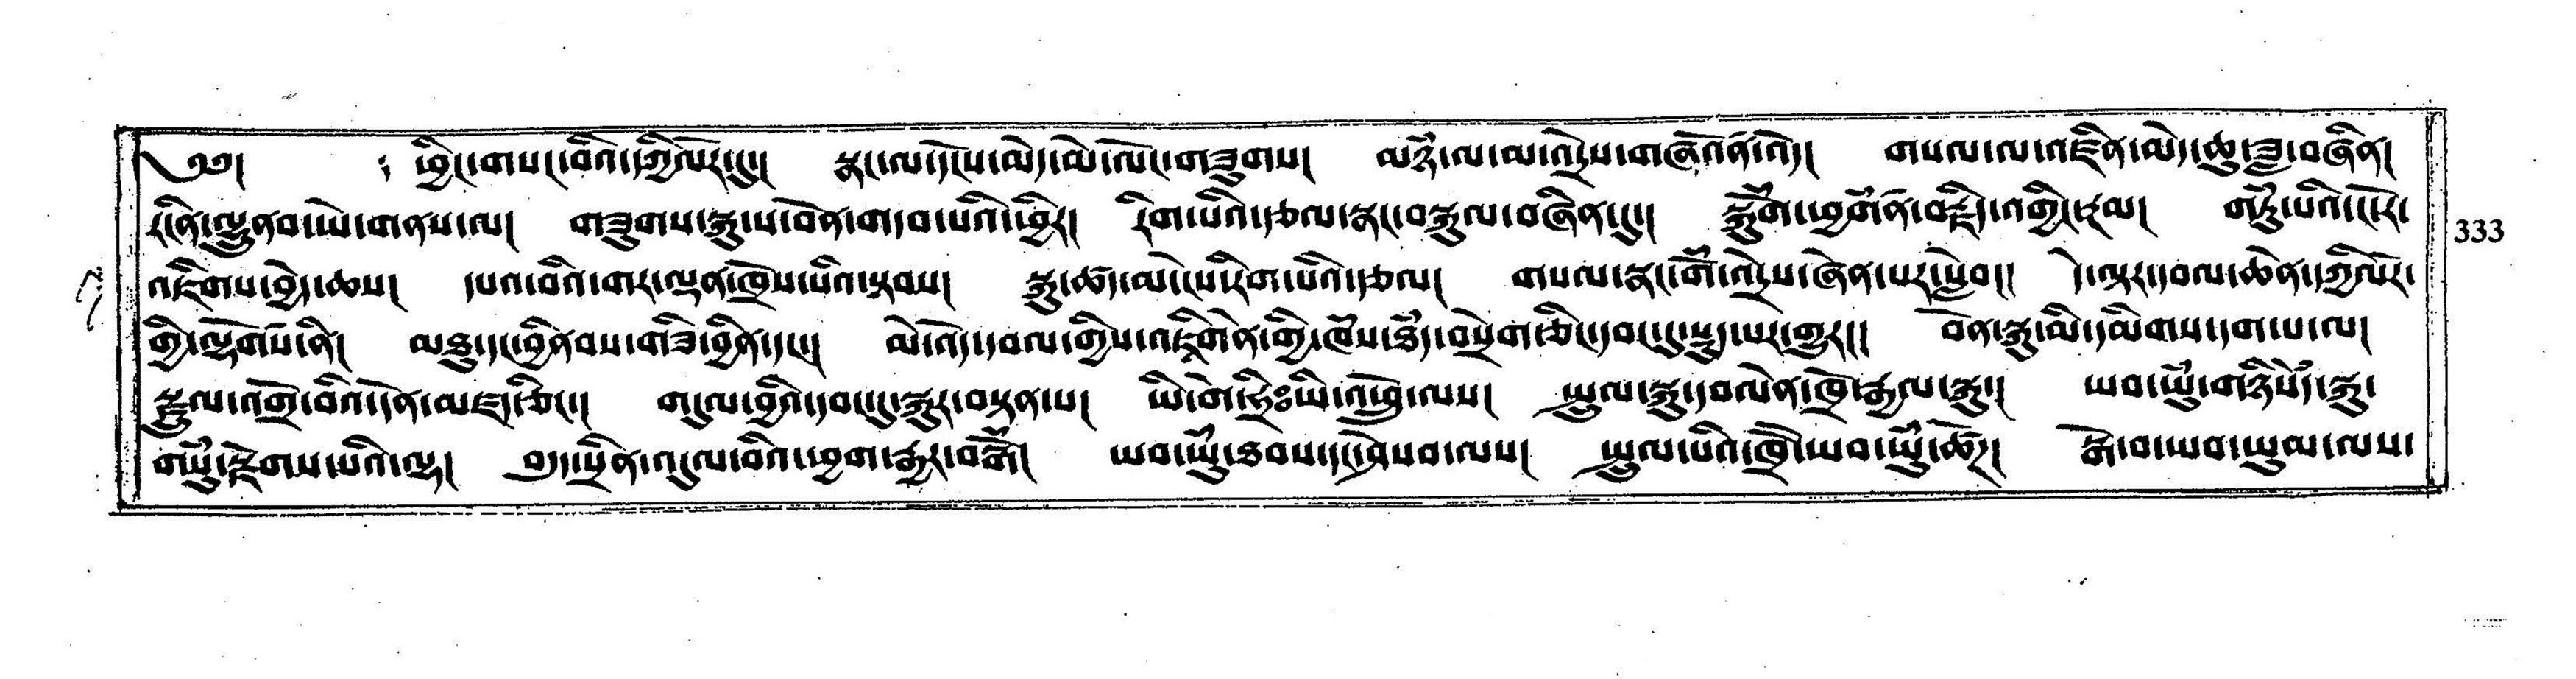ཕྱི་ནང་གསང་བའི་དཀྱིལ་འཁོར་དུ། སྣང་ལ་དངོས་མེད་མེ་ལོང་གཟུགས། མཉམ་ལ་མ་འདྲེས་གཞའ་ཚོན་འོད། གསལ་ལ་འཛིན་མེད་ཆུ་ཟླ་བཞིན། 
རང་བཞིན་ལྷུན་གྲུབ་ཡེ་གནས་ལ། གཟུགས་སྐུ་ས་བོན་གདབ་པའི་ཕྱིར། རིག་པའི་རྩལ་སྣང་བསྐུལ་བཞིན་དུ། སྐུ་མདོག་ཕྱག་མཚན་བརྗིད་འགྱིང་རྔམ། གཏུམ་པའི་ང་རོ་
འཇིགས་བྱེད་ཆས། དཔའ་བའི་གར་ལྡན་ཁྲོས་པའི་སྟབས། སྐུ་ཚད་མ་ངེས་རིག་པའི་རྩལ། གསལ་སྣང་གོམ་འདྲེས་ཞེན་པར་སླེབ། དེ་ལྟར་དབལ་ཆེན་དཀྱིལ་འཁོར་
གྱི་ལྷ་ཚོགས་ནི། མཐུ་དང་བྱིན་རླབས་གཟི་བྱིན་དང་། མེ་འོད་དབལ་གྱིས་འཇིག་རྟེན་གྱི་ཁམས་ཐམས་ཅད་བསྲེག་ཅིང་དབང་དུ་སྡུད་པར་གྱུར།། བོན་སྐུ་མི་དམིགས་དག་པ་ལ། 
རྫུ་འཕྲུལ་འགྲོ་བའི་དོན་མཛད་ཅིང་། གདུལ་བྱའི་དབང་དུ་སྐུར་བསྟན་པ། ཡི་གེ་ཧྲིཿཡི་འཕྲོ་འདུ་ལས། སྤྲུལ་སྐུ་དབལ་ཆེན་ཁྲོ་རྒྱལ་སྐུ། ཡབ་ཡུམ་གཉིས་མེད་སྐུ་
གསུམ་རྫོགས་པའི་ལྷ། བདུད་སྲིན་འདུལ་བའི་ཕྱག་རྒྱར་བསྒོམ། ཡབ་ཡུམ་ཐབས་དང་ཤེས་རབ་ལས། སྤྲུལ་པའི་ཁྲོ་བོ་ཡབ་ཡུམ་ཚོགས། སྒོ་བ་ཡབ་ཡུམ་ལས་